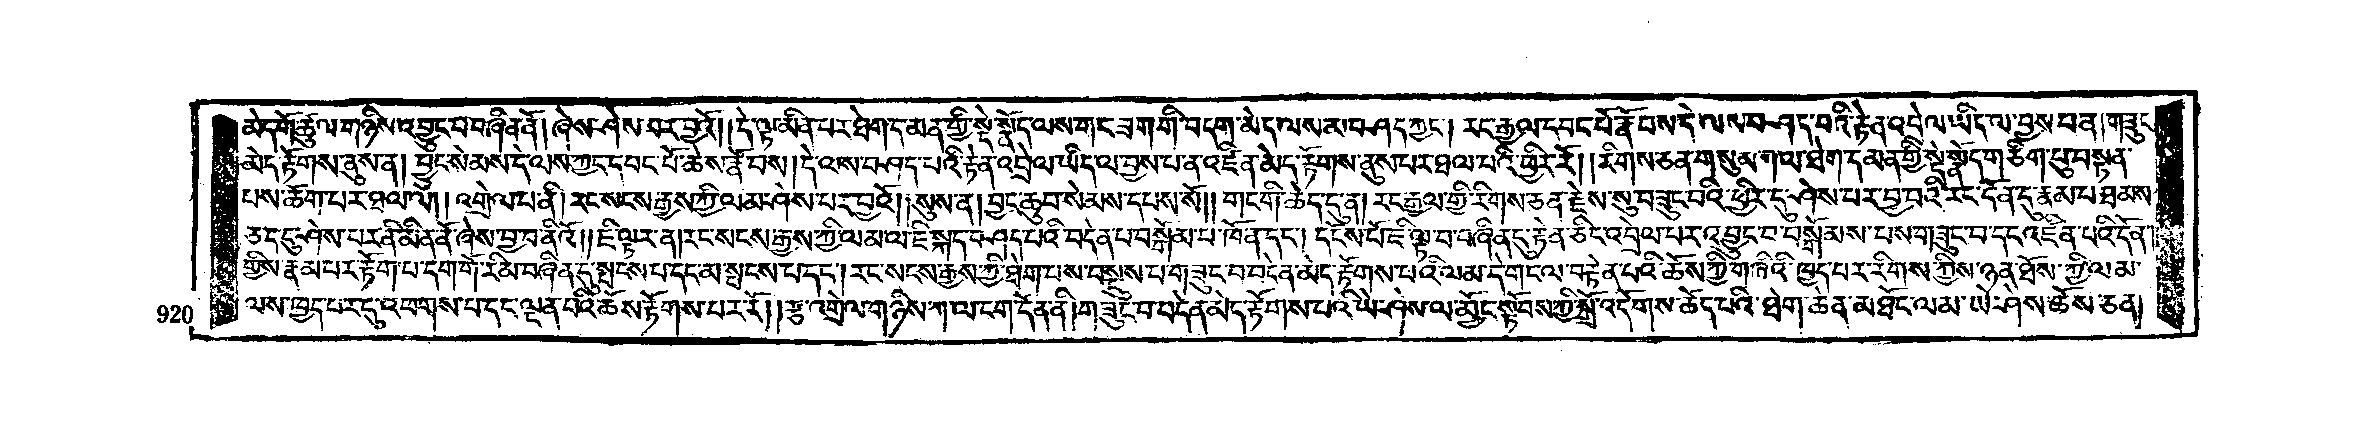མེད་གོ་ཚུལ་གཉིས་འབྱུང་བ་བཞིན་ནོ། ཞེས་ཤེས་བར་བྱའོ། །དེ་ལྟ་མིན་པར་ཐེག་དམན་གྱི་སྡེ་སྣོད་ལས་གང་ཟག་གི་བདག་མེད་ལས་མ་བཤད་ཀྱང་། རང་རྒྱལ་དབང་པོ་རྣོ་བས་དེ་ལས་བཤད་པའི་རྟེན་འབྲེལ་ཡིད་ལ་བྱས་པ་ན། གཟུང་
མེད་རྟོགས་ནུས་ན། བྱུང་སེམས་དེ་ལས་ཀྱང་དབང་པོ་ཆེས་རྣོ་བས། དེ་ལས་བཤད་པའི་རྟེན་འབྲེལ་ཡིད་ལ་བྱས་པ་ན་འཛིན་མེད་རྟོགས་ནུས་པར་ཐལ་བའི་ཕྱིར་རོ། །རིགས་ཅན་གསུམ་ག་ལ་ཐེག་དམན་གྱི་སྡེ་སྣོད་གཅིག་བུ་བསྟན་
པས་ཆོག་པར་ཐལ་ལོ། །འགྲེལ་བ་ནི། རང་སངས་ཀྱི་ལམ་ཤེས་པར་བྱའོ། །སུས་ན། བྱང་ཆུབ་སེམས་པས་སོ། །གང་གི་ཆེད་དུ་ན། རང་རྒྱལ་གྱི་རིགས་ཅན་རྗེས་སུ་བཟུང་བའི་ཕྱིར་དུ་ཤེས་པར་བྱ་བའི་རང་དོན་དུ་རྣམ་པ་ཐམས་
ཅད་དུ་ཤེས་པར་ནི་མིན་ནོ་ཞེས་བྱ་བ་ནིའོ། །ཇི་ལྟར་ན། རང་སངས་རྒྱས་ཀྱི་ལམ་ལ་ཇི་སྐད་བཤད་པའི་བདེན་པ་བསྒོམ་པ་ཁོ་ན་དང་། དངོས་པོ་ཇི་ལྟ་བ་བཞིན་དུ་རྟེན་ཅིང་འབྲེལ་བར་འབྱུང་བ་བསྒོམས་པས་གཟུང་བ་དང་འཛིན་པའི་དོན་
གྱིས་རྣམ་པར་རྟོག་པ་དག་གོ་རིམ་བཞིན་དུ་སྤངས་པ་དང་མ་སྤངས་པ་དང་། རང་སངས་རྒྱས་ཀྱི་ཐེག་པས་བསྡུས་པ་གཟུང་བ་བདེན་མེད་རྟོགས་པའི་ལམ་དེ་གང་ལ་བརྟེན་པའི་ཆོས་ཀྱི་གཞིའི་ཁྱད་པར་རིགས་ཀྱིས་ཉན་ཐོས་ཀྱི་ལམ་
ལས་ཁྱད་པར་དུ་འཕགས་པ་དང་ལྡན་པའི་ཆོས་རྟོགས་པར་རོ། །རྩ་འགྲེལ་གཉིས་ཀ་ལ་ངག་དོན་ནི། གཟུང་བ་བདེན་མེད་རྟོགས་པའི་ཡེ་ཤེས་ལ་མྱོང་སྟོབས་ཀྱི་སྒྲོ་འདོགས་ཆོད་པའི་ཐེག་ཆེན་མཐོང་ལམ་ཡེ་ཤེས་ཆོས་ཅན་